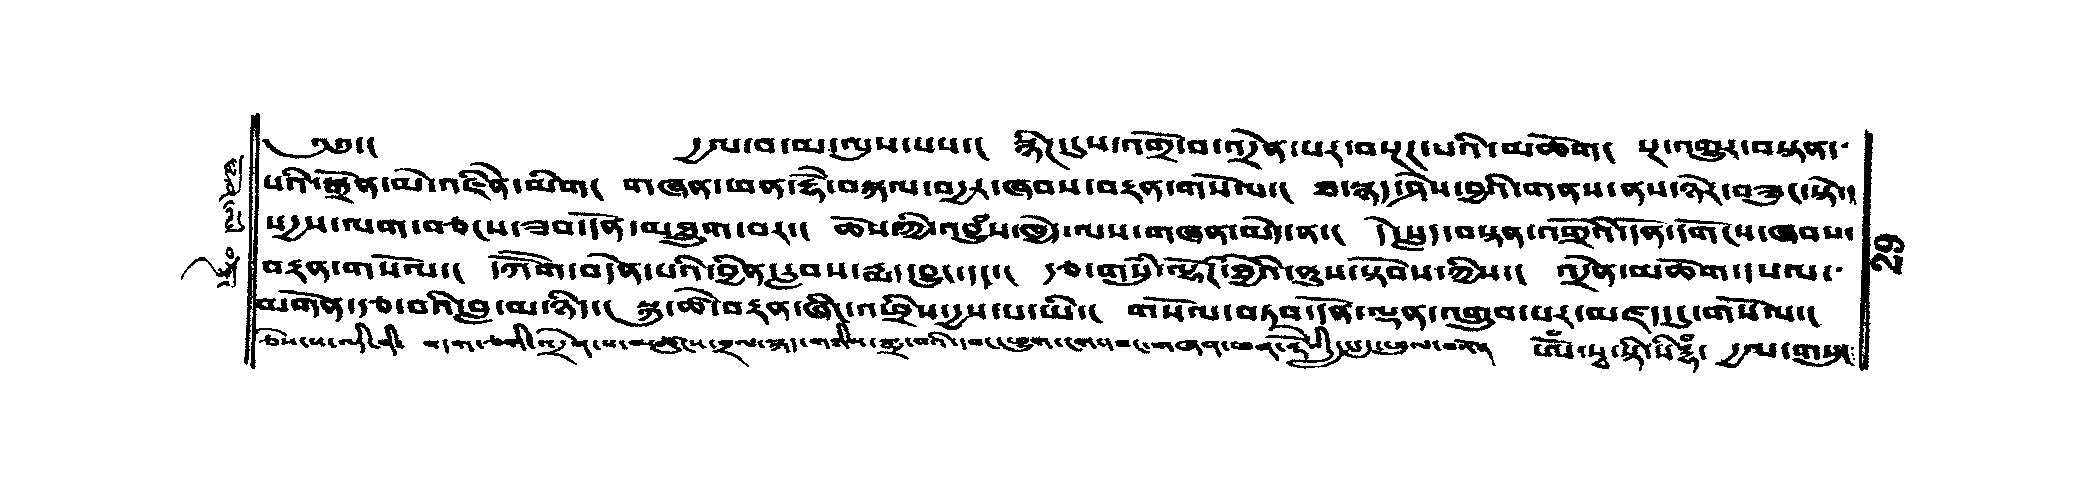རྒྱལ་བ་མ་ལུས་པས། །སྙིགས་དུས་འགྲོ་བ་འདྲེན་པར་བསྔགས་པའི་མཆོག ། སྔ་འགྱུར་བསྟན་
པའི་སྒྲོན་མེ་འཇིག་རྟེན་མིག །གཞན་ཕན་རྡོ་རྗེ་བསྐལ་བརྒྱར་ཞབས་བརྟན་གསོལ། །ཐ་སྙད་ཤེས་བྱའི་གནས་ནས་ཉེར་བཟུང་སྟེ། །
སངས་རྒྱས་ལག་བཅངས་ཟབ་དོན་མཐར་ཐུག་བར། །ཆོས་ཀྱི་འབྱུང་གནས་ཁྱེད་ལས་གཞན་མེད་ན། །དེ་སླད་བསྟན་འགྲོའི་དོན་དགོངས་ཞབས་
བརྟན་གསོལ། །དཀོན་མཆོག་བདེན་པའི་བྱིན་རླབས་རྨད་བྱུང་དང་། །རྩ་གསུམ་ལྷ་ཚོགས་ཐུགས་རྗེའི་ནུས་སྟོབས་ཀྱིས། །འདྲེན་མཆོག་དཔལ་
མགོན་རྩ་བའི་བླ་མ་ཉིད། །སྐུ་ཚེ་བརྟན་ཞིང་འཕྲིན་ལས་རྒྱས་པ་ཡིས། །གསོལ་བཏབ་དོན་ལྡན་འགྲུབ་པར་མཛད་དུ་གསོལ།།
ཅེས་པ་འདི་ནི། བདག་ཅག་གི་འདྲེན་པ་མཚུངས་བྲལ་སྐད་གཉིས་སྨྲ་བའི་དབང་ཕྱུག་ངག་དབང་གཞན་ཕན་རྡོ་རྗེའི་དྲུང་དུ་ཕུལ་བའོ།། ཨོཾ་སྭ་སྟི་སིདྡྷཾ། རྒྱལ་གསུང་